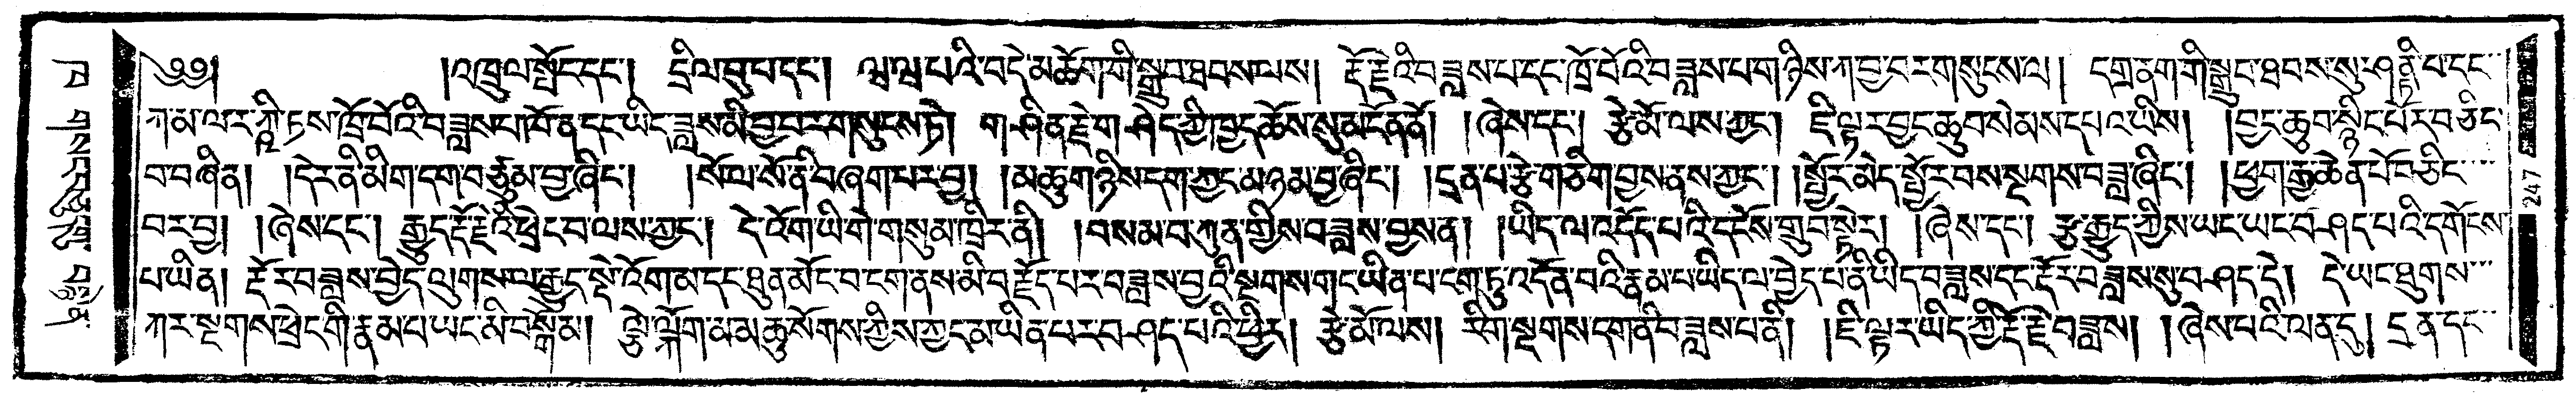༄༅། །འཁྲུལ་སྤོང་དང་། དྲིལ་བུ་པ་དང་། ཝ་ཝ་པའི་བདེ་མཆོག་གི་སྒྲུབ་ཐབས་ལས། རྡོ་རྗེའི་བཟླས་པ་དང་ཁྲོ་བོའི་བཟླས་པ་གཉིས་ཀ་བྱ་བར་གསུངས་ལ། དགྲ་ནག་གི་སྒྲུབ་ཐབས་སུ་ཤནྟི་བ་དང་
ཀ་མ་ལ་རཀྵི་ཏས་ཁྲོ་བོའི་བཟླས་པ་ཁོ་ན་དང་ཡིད་ཟླས་མི་བྱ་བར་གསུངས་ཏེ། གཤིན་རྗེ་གཤེད་ཀྱི་ཁྱད་ཆོས་སུ་མངོན་ནོ། །ཞེས་དང་། རྩེ་མོ་ལས་ཀྱང་། ཇི་ལྟར་བྱང་ཆུབ་སེམས་དཔའ་ཡིས། །བྱང་ཆུབ་སྙིང་པོར་བཅིང་
པ་བཞིན། །དེར་ནི་མིག་དག་བཙུམ་བྱ་ཞིང་། །སོ་ལ་སོ་ནི་བཞག་པར་བྱ། །མཆུ་གཉིས་དག་ཀྱང་མཉམ་བྱ་ཞིང་། །དྲན་པ་རྩེ་གཅིག་བྱས་ནས་ཀྱང་། །སྦྱོར་མེད་སྦྱོར་བས་སྔགས་བཟླ་ཞིང་། །ཕྱག་རྒྱ་ཆེན་པོ་བཅིང་
བར་བྱ། །ཞེས་དང་། རྒྱུད་རྡོ་རྗེའི་ཕྲེང་བ་ལས་ཀྱང་། དེ་འོག་ཡི་གེ་གསུམ་ཁྲིར་ནི། །བསམ་པ་ཀུན་གྱིས་བཟླས་བྱས་ན། །ཡིད་ལ་འདོད་པའི་དངོས་གྲུབ་སྟེར། །ཞེས་དང་། རྩ་རྒྱུད་ཀྱིས་ཡང་ཡང་བཤད་པའི་དགོངས་
པ་ཡིན། རྡོར་བཟླས་བྱེད་ལུགས་ལ་རྒྱུད་སྡེ་འོག་མ་དང་ཐུན་མོང་བ་ངག་ནས་མི་བརྗོད་པར་བཟླས་བྱའི་སྔགས་གང་ཡིན་པ་ངག་ཏུ་འདོན་བའི་རྣམ་པ་ཡིད་ལ་བྱེད་པ་ནི་ཡིད་བཟླས་དང་རྡོར་བཟླས་སུ་བཤད་དེ། དེ་ཡང་ཐུགས་
ཀར་སྔགས་ཕྲེང་གི་རྣམ་པ་ཡང་མི་བསྒོམ། ལྕེ་ལྐོག་མ་མཆུ་སོགས་ཀྱིས་ཀྱང་མ་ཡིན་པར་བཤད་པའི་ཕྱིར། རྩེ་མོ་ལས། རིག་སྔགས་དག་ནི་བཟླས་པ་ནི། །ཇི་ལྟར་ཡིད་ཀྱི་རྡོ་རྗེ་བཟླས། །ཞེས་པའི་ལན་དུ། དྲན་དང་